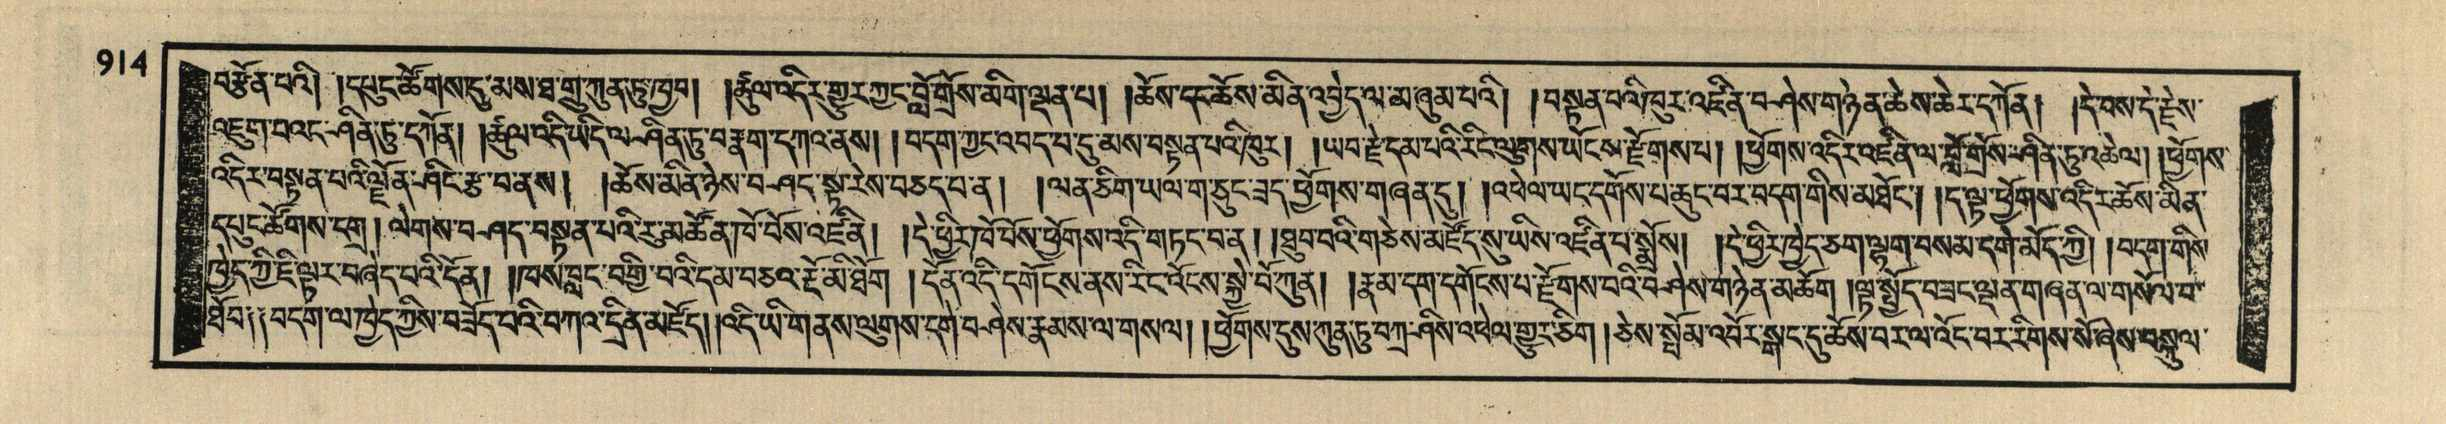བརྩོན་པའི། །དཔུང་ཚོགས་དུ་མས་ཐ་གྲུ་ཀུན་ཏུ་ཁྱབ། །ཚུལ་འདིར་གྱུར་ཀྱང་བློ་གྲོས་མིག་ལྡན་པ། །ཆོས་དང་ཆོས་མིན་འབྱེད་ལ་མ་ཞུམ་པའི། །བསྟན་པའི་ཁུར་འཛིན་བཤེས་གཉེན་ཆེས་ཆེར་དཀོན། །དེ་བས་དེ་རྗེས་
འཇུག་པའང་ཤིན་ཏུ་དཀོན། །ཚུལ་འདི་ཡིད་ལ་ཤིན་ཏུ་བྲང་དཀའ་ནས། །བདག་ཀྱང་འབད་པ་དུ་མས་བསྟན་པའི་ཁུར། །ཡབ་རྗེ་དམ་པའི་རིང་ལུགས་ཡོངས་རྫོགས་པ། །ཕྱོགས་འདིར་འཛིན་ལ་བློ་གྲོས་ཤིན་ཏུ་འཆེལ། །ཕྱོགས་
འདིར་བསྟན་པའི་ལྗོན་ཤིང་རྩ་བ་ནས། །ཆོས་མིན་ཉེས་བཤད་སྟ་རེས་བཅད་པ་ན། །ལན་ཅིག་ཡལ་ག་ཅུང་ཟད་ཕྱོགས་གཞན་དུ། །འཕེལ་ཡང་དགོས་པ་ཆུང་བར་བདག་གིས་མཐོང་། །ད་ལྟ་ཕྱོགས་འདིར་ཆོས་མིན་
དཔུང་ཚོགས་དགྲ། ལེགས་བཤད་བསྟན་པའི་རུ་མཚོན་ཁོ་བོས་འཛིན། །དེ་ཕྱིར་ཁོ་བོས་ཕྱོགས་འདི་གཏང་བ་ན། །ཐུབ་པའི་གཅེས་མཛོད་སུ་ཡིས་འཛིན་པ་སྨྲོས། །དེ་ཕྱིར་ཁྱེད་ཅག་ལྷག་བསམ་དགེ་མོད་ཀྱི། །བདག་གིས་
ཁྱེད་ཀྱི་ཇི་ལྟར་བཞེད་པའི་དོན། །ཁས་བླང་བགྱི་བའི་དམ་བཅའ་རྡོ་མི་ཐོག །དོན་འདི་དགོངས་ནས་རིང་འོངས་སྐྱེ་བོ་ཀུན། །རྣམ་དག་དགོངས་པ་རྫོགས་པའི་བཤེས་གཉེན་མཆོག །ལྟ་སྤྱོད་བཟང་ལྡན་གཞན་ལ་གསོལ་བ་
ཐོབ༑ ༑བདག་ལ་ཁྱེད་ཀྱིས་བཟོད་པའི་བཀའ་དྲིན་མཛོད། །འདི་ཡི་གནས་ལུགས་དགེ་བཤེས་རྣམས་ལ་གསལ། །ཕྱོགས་དུས་ཀུན་ཏུ་བཀྲ་ཤིས་འཕེལ་གྱུར་ཅིག །ཅེས་སྤོམ་འབོར་སྒང་དུ་ཆོས་བར་ལ་འོང་བར་རིགས་སོ་ཞེས་བསྐུལ་